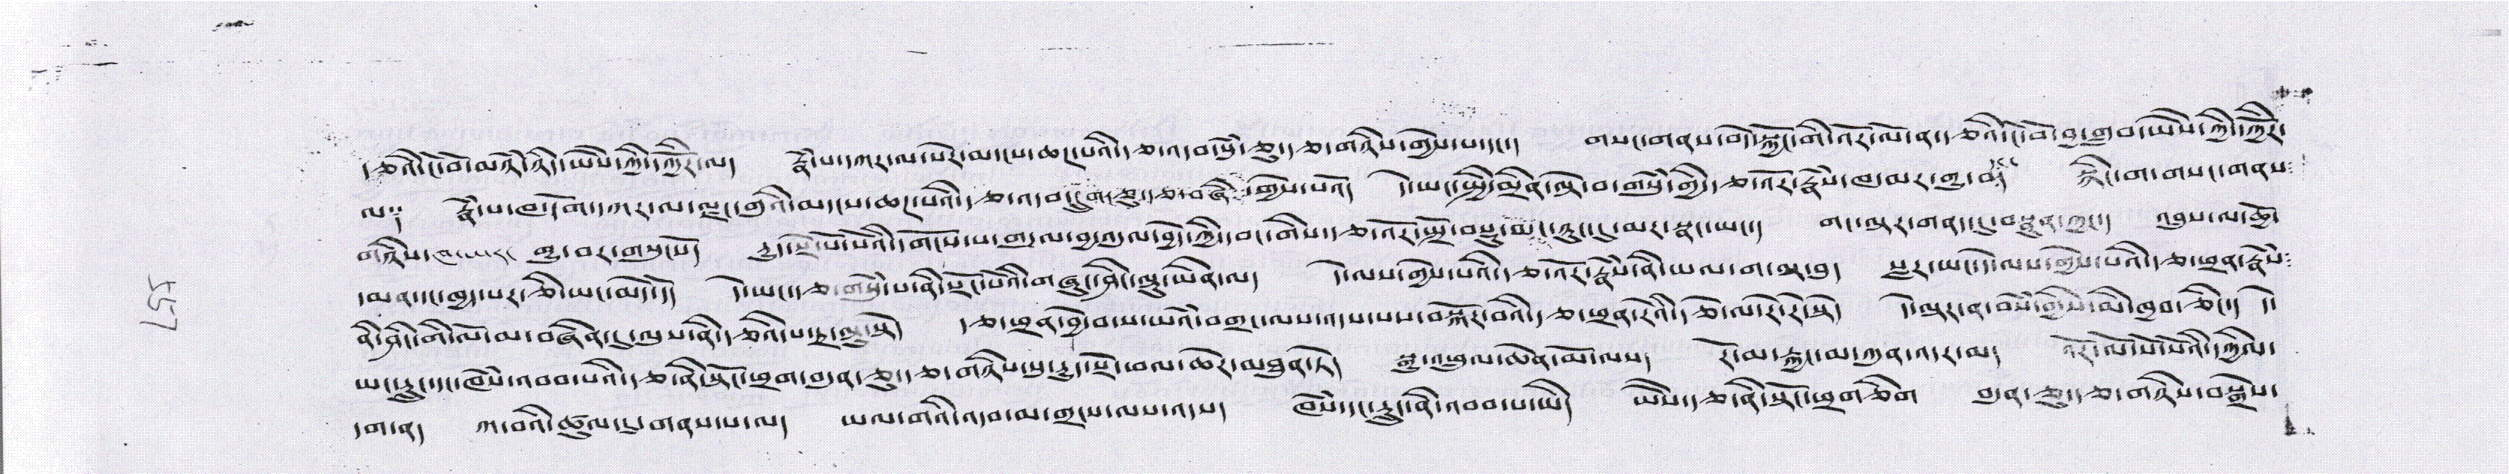རྩ་ཡི་ངོ་བོ་མཉམ་ཉིད་ཡེ་ཤེས་ཀྱི་དཀྱིལ་འཁོར་ལ་རྣམ་པ་དཀར་ལ་སེར་མདངས་ཆགས་པའི་རྩ་འདབ་སུམ་ཅུ་རྩ་གཉིས་གྱེས་པ་དང་། གསང་གནས་བདེ་སྐྱོང་གི་འཁོར་ལོ་ན་རྩ་ཡི་ངོ་བོ་བྱ་གྲུབ་ཡེ་ཤེས་ཀྱི་དཀྱིལ་འཁོར་
ལ། རྣམ་པ་ཁ་དོག་དཀར་ལ་ལྗང་གུའི་མདངས་ཆགས་པའི་རྩ་འདབ་དྲུག་ཅུ་རྩ་བཞི་གྱེས་པའོ། དེ་ཡང་སྤྱི་མགྲིན་ལྟེ་བ་གསུམ་གྱི་རྩ་འཁོར་རྣམས་ཁ་མར་གྱུ་བ་དང་། སྙིོང་ག་གསང་གནས་
གཉིས་ཁ་ཡར་གྱུ་བར་གསུངས་སོ། རྒྱུད་སྡེ་སོ་སོའི་དགོངས་པ་གདུལ་བྱ་འདུལ་བྱེད་ཀྱི་དབང་གིས་རྩ་འཁོར་སྤྲོ་བསྡུ་མང་ཉུང་དུ་མར་སྣང་ཡང་། གང་ལྟར་གནད་དུ་བསྣུན་ཀྱང་། འབྲས་བུ་ལ་མཆོག་
དམན་དང་ཁྱད་པར་ཅི་ཡང་མེད་དོ། དེ་ཡང་རྩ་གསུམ་པ་ནི་སྡོང་པོའི་གཞུང་ཤིང་ལྟ་བུ་ཡིན་ལ། དེ་ལས་གྱེས་པའི་རྩ་འཁོར་རྣམས་ནི་ཡལ་ག་ལྟ་བུ། སླར་ཡང་དེ་ལས་གྱེས་པའི་རྩ་ཕྲན་རྣམས་
ནི་ཤིང་གི་ལོ་མ་བཞིན་དུ་ལུས་ནི་རྩ་ཡི་པ་ཏྲ་ལྟ་བུ་སྟེ། རྩ་ཕྲན་བྱེ་བ་ས་ཡའམ་བགྲང་ལས་འདས་པས་བསྐོར་བའི་རྩ་ཕྲན་རེ་རེའི་རྩེ་ལ་རེ་རེ་སྟེ། དེ་ལྟར་ན་བསམ་གྱིས་མི་ཁྱབ་ཅིང་། དེ་
ཡང་རླུང་དང་ཁམས་འབབས་པའི་རྩ་ནི་སྟོང་ཕྲག་བདུན་ཅུ་རྩ་གཉིས་སུ་རྒྱུད་སྡེ་ཕལ་ཆེར་མཐུན་ཏེ། སྒྱུ་འཕྲུལ་ཆེན་མོ་ལས། རོ་མ་རྐྱང་མ་ཀུན་འདར་མ། འཁོར་ལོ་སོ་སོའི་དཀྱིལ་
དག་ན། ཀ་བའི་ཚུལ་དུ་གནས་པ་ལ། ཡལ་གའི་འདབ་མ་གྲངས་ལས་འདས། ཁམས་དང་རླུང་ནི་འབབ་པ་ཡི། ཡེ་ཤེས་རྩ་ནི་སྟོང་ཕྲག་གཅིག བདུན་ཅུ་རྩ་གཉིས་བསྒྲེས་